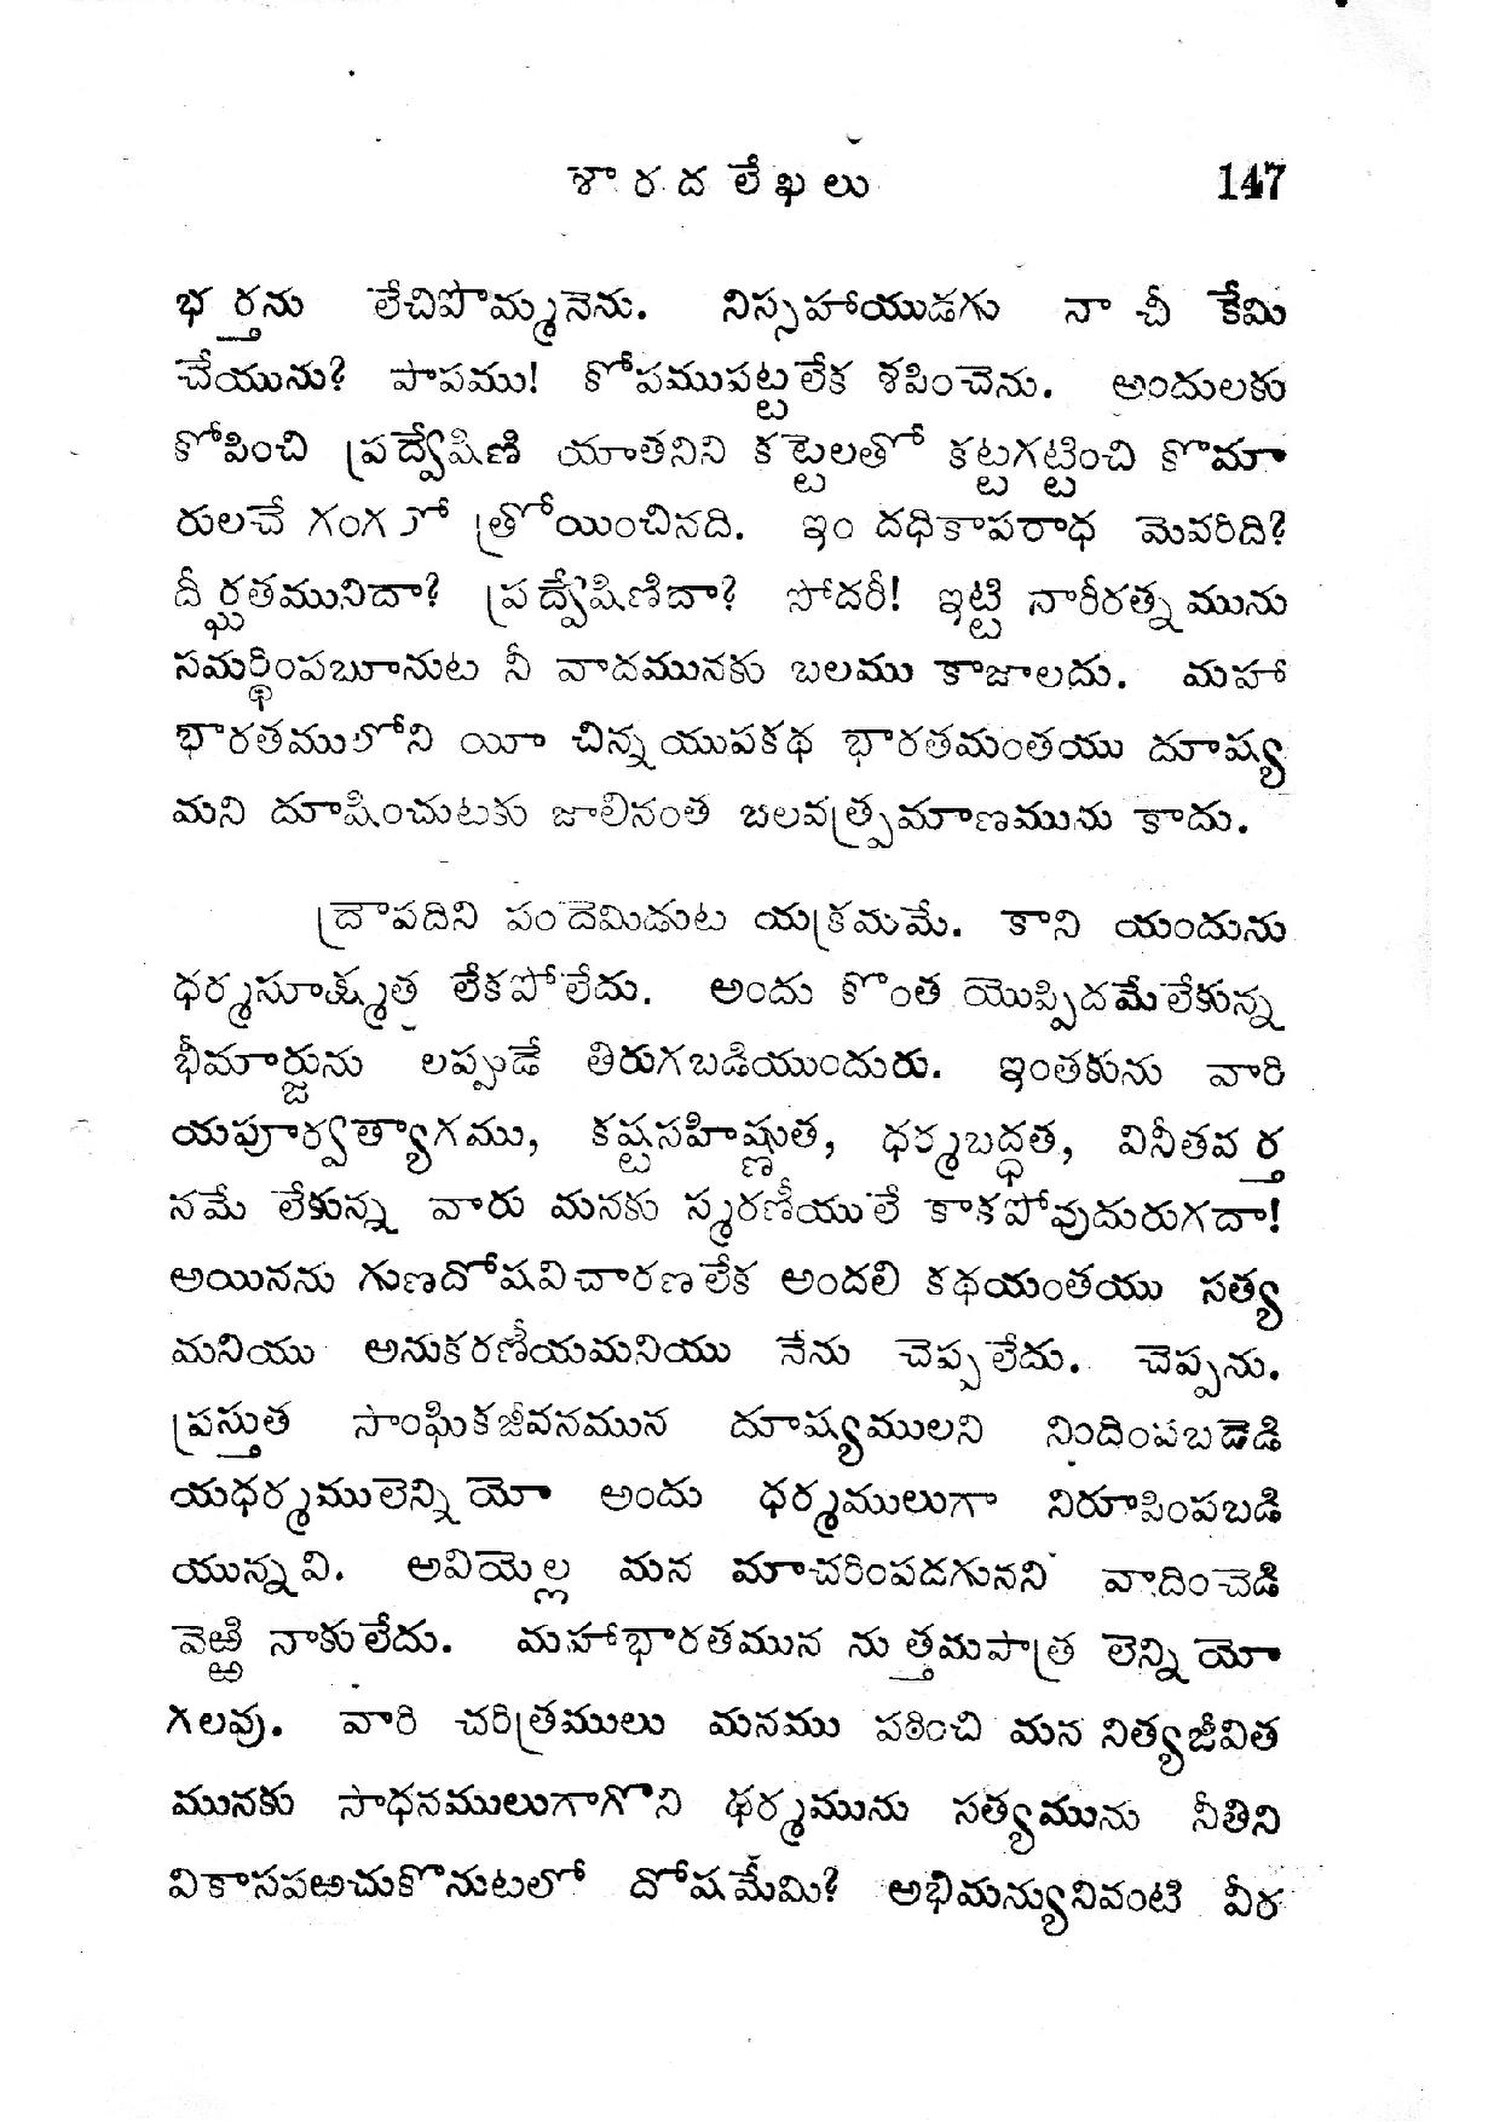భర్తను లేచిపొమ్మనెను. నిస్సహాయుడగు నా చీ కేమి చేయును? పాపము! కోపముపట్టలేక శపించెను. అందులకు కోపించి ప్రద్వేషిణి యాతనిని కట్టెలతో కట్టగట్టించి కొమారులచే గంగలో త్రోయించినది. ఇం దధికాపరాధ మెవరిది? దీర్ఘతమునిదా? ప్రద్వేషిణిదా? సోదరీ! ఇట్టి నారీరత్నమును సమర్థింపబూనుట నీ వాదమునకు బలము కాజాలదు. మహాభారతములోని యీ చిన్నయుపకథ భారతమంతయు దూష్యమని దూషించుటకు జాలినంత బలవత్ప్రమాణమును కాదు.

ద్రౌపదిని పందెమిడుట యక్రమమే. కాని యందును ధర్మసూక్ష్మత లేకపోలేదు. అందు కొంత యొప్పిదమేలేకున్న భీమార్జును లప్పుడే తిరుగబడియుందురు. ఇంతకును వారి యపూర్వత్యాగము, కష్టసహిష్ణుత, ధర్మబద్ధత, వినీతవర్తనమే లేకున్న వారు మనకు స్మరణీయులే కాకపోవుదురుగదా!
అయినను గుణదోషవిచారణలేక అందలి కథయంతయు సత్యమనియు అనుకరణీయమనియు నేను చెప్పలేదు. చెప్పను. ప్రస్తుత సాంఘికజీవనమున దూష్యములని నిందింపబడెడి యధర్మములెన్నియో అందు ధర్మములుగా నిరూపింపబడి యున్నవి. అవియెల్ల మన మాచరింపదగునని వాదించెడి వెఱ్ఱి నాకులేదు. మహాభారతమున నుత్తమపాత్ర లెన్నియో గలవు. వారి చరిత్రములు మనము పఠించి మన నిత్యజీవితమునకు సాధనములుగాగొని ధర్మమును సత్యమును నీతిని వికాసపఱచుకొనుటలో దోషమేమి? అభిమన్యునివంటి వీర